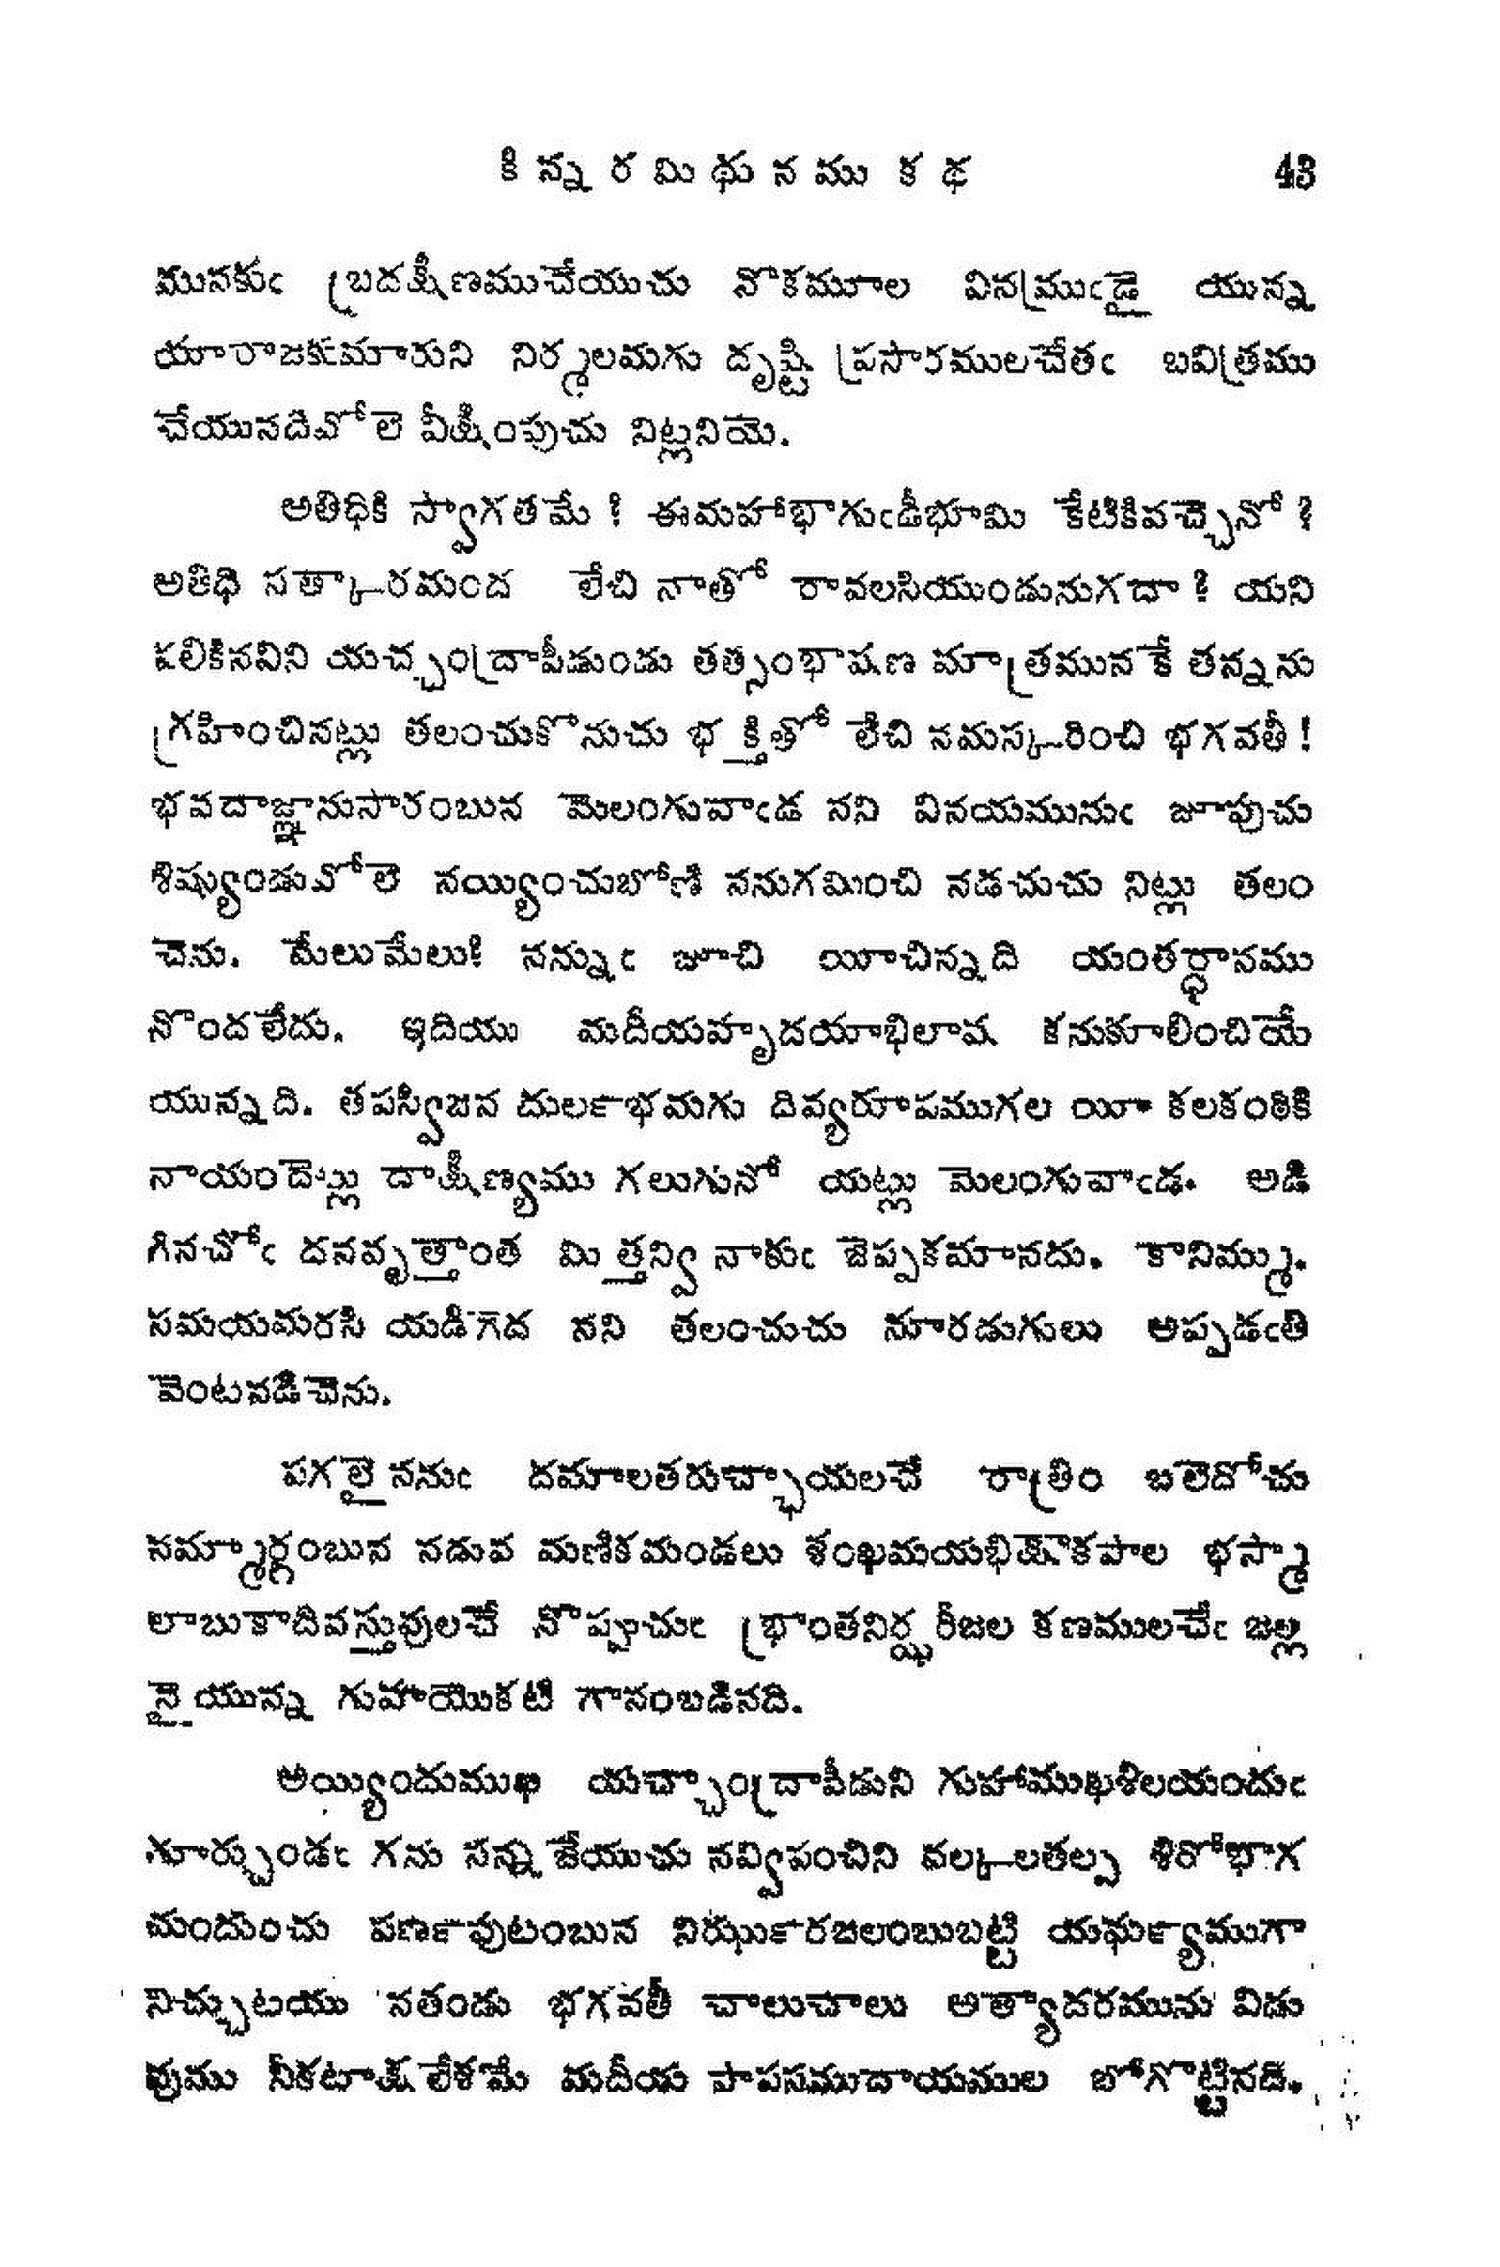మునకుఁ బ్రదక్షిణముచేయుచు నొకమూల వినమ్రుఁడై యున్న యారాజకుమారుని నిర్మలమగు దృష్టి ప్రసారములచేతఁ బవిత్రము చేయునదివోలె వీక్షింపుచు నిట్లనియె.

అతిధికి స్వాగతమే? ఈమహాభాగుఁడీభూమి కేటికివచ్చెనో? అతిధి సత్కారమంద లేచి నాతో రావలసియుండునుగదా? యని పలికినవిని యచ్చంద్రాపీడుండు తత్సంభాషణ మాత్రమునకే తన్నను గ్రహించినట్లు తలంచుకొనుచు భక్తితో లేచి నమస్కరించి భగవతీ! భవదాజ్ఞానుసారంబున మెలంగువాఁడ నని వినయమునుఁ జూపుచు శిష్యుండువోలె నయ్యించుబోణి ననుగమించి నడచుచు నిట్లు తలంచెను. మేలుమేలు? నన్నుఁ జూచి యీచిన్నది యంతర్ధానము నొందలేదు. ఇదియు మదీయహృదయాభిలాష కనుకూలించియే యున్నది. తపస్విజన దుల౯భమగు దివ్యరూపముగల యీ కలకంఠికి నాయందెట్లు దాక్షిణ్యము గలుగునో యట్లు మెలంగువాఁడ. అడిగినచోఁ దనవృత్తాంత మిత్తన్వి నాకుఁ జెప్పకమానదు. కానిమ్ము. సమయమరసి యడిగెద నని తలంచుచు నూరడుగులు అప్పడఁతి వెంటనడిచెను. 

పగలైననుఁ దమాలతరుచ్ఛాయలచే రాత్రిం బలెదోచు సమ్మార్గంబున నడువ మణికమండలు శంఖమయభిక్షాకపాల భస్మాలాబుకాదివస్తువులచే నొప్పుచుఁ భ్రాంతనిర్ఘ రీజల కణములచేఁ జల్లనైయున్న గుహాయొకటి గానంబడినది.

అయ్యిందుముఖ యచ్చాంద్రాపీడుని గుహాముఖశిలయందుఁ గూర్చుండఁ గను సన్నజేయుచు నవ్విపంచిని వల్కలతల్ప శిరోభాగమందుంచు పణ౯పుటంబున నిఝు౯రజలంబుబట్టి యఘ్యముగా నిచ్చుటయు నతండు భగవతీ చాలుచాలు అత్యాదరమును విడువుము నీకటాక్షలేశమే మదీయ పాపసముదాయముల బోగొట్టినది.